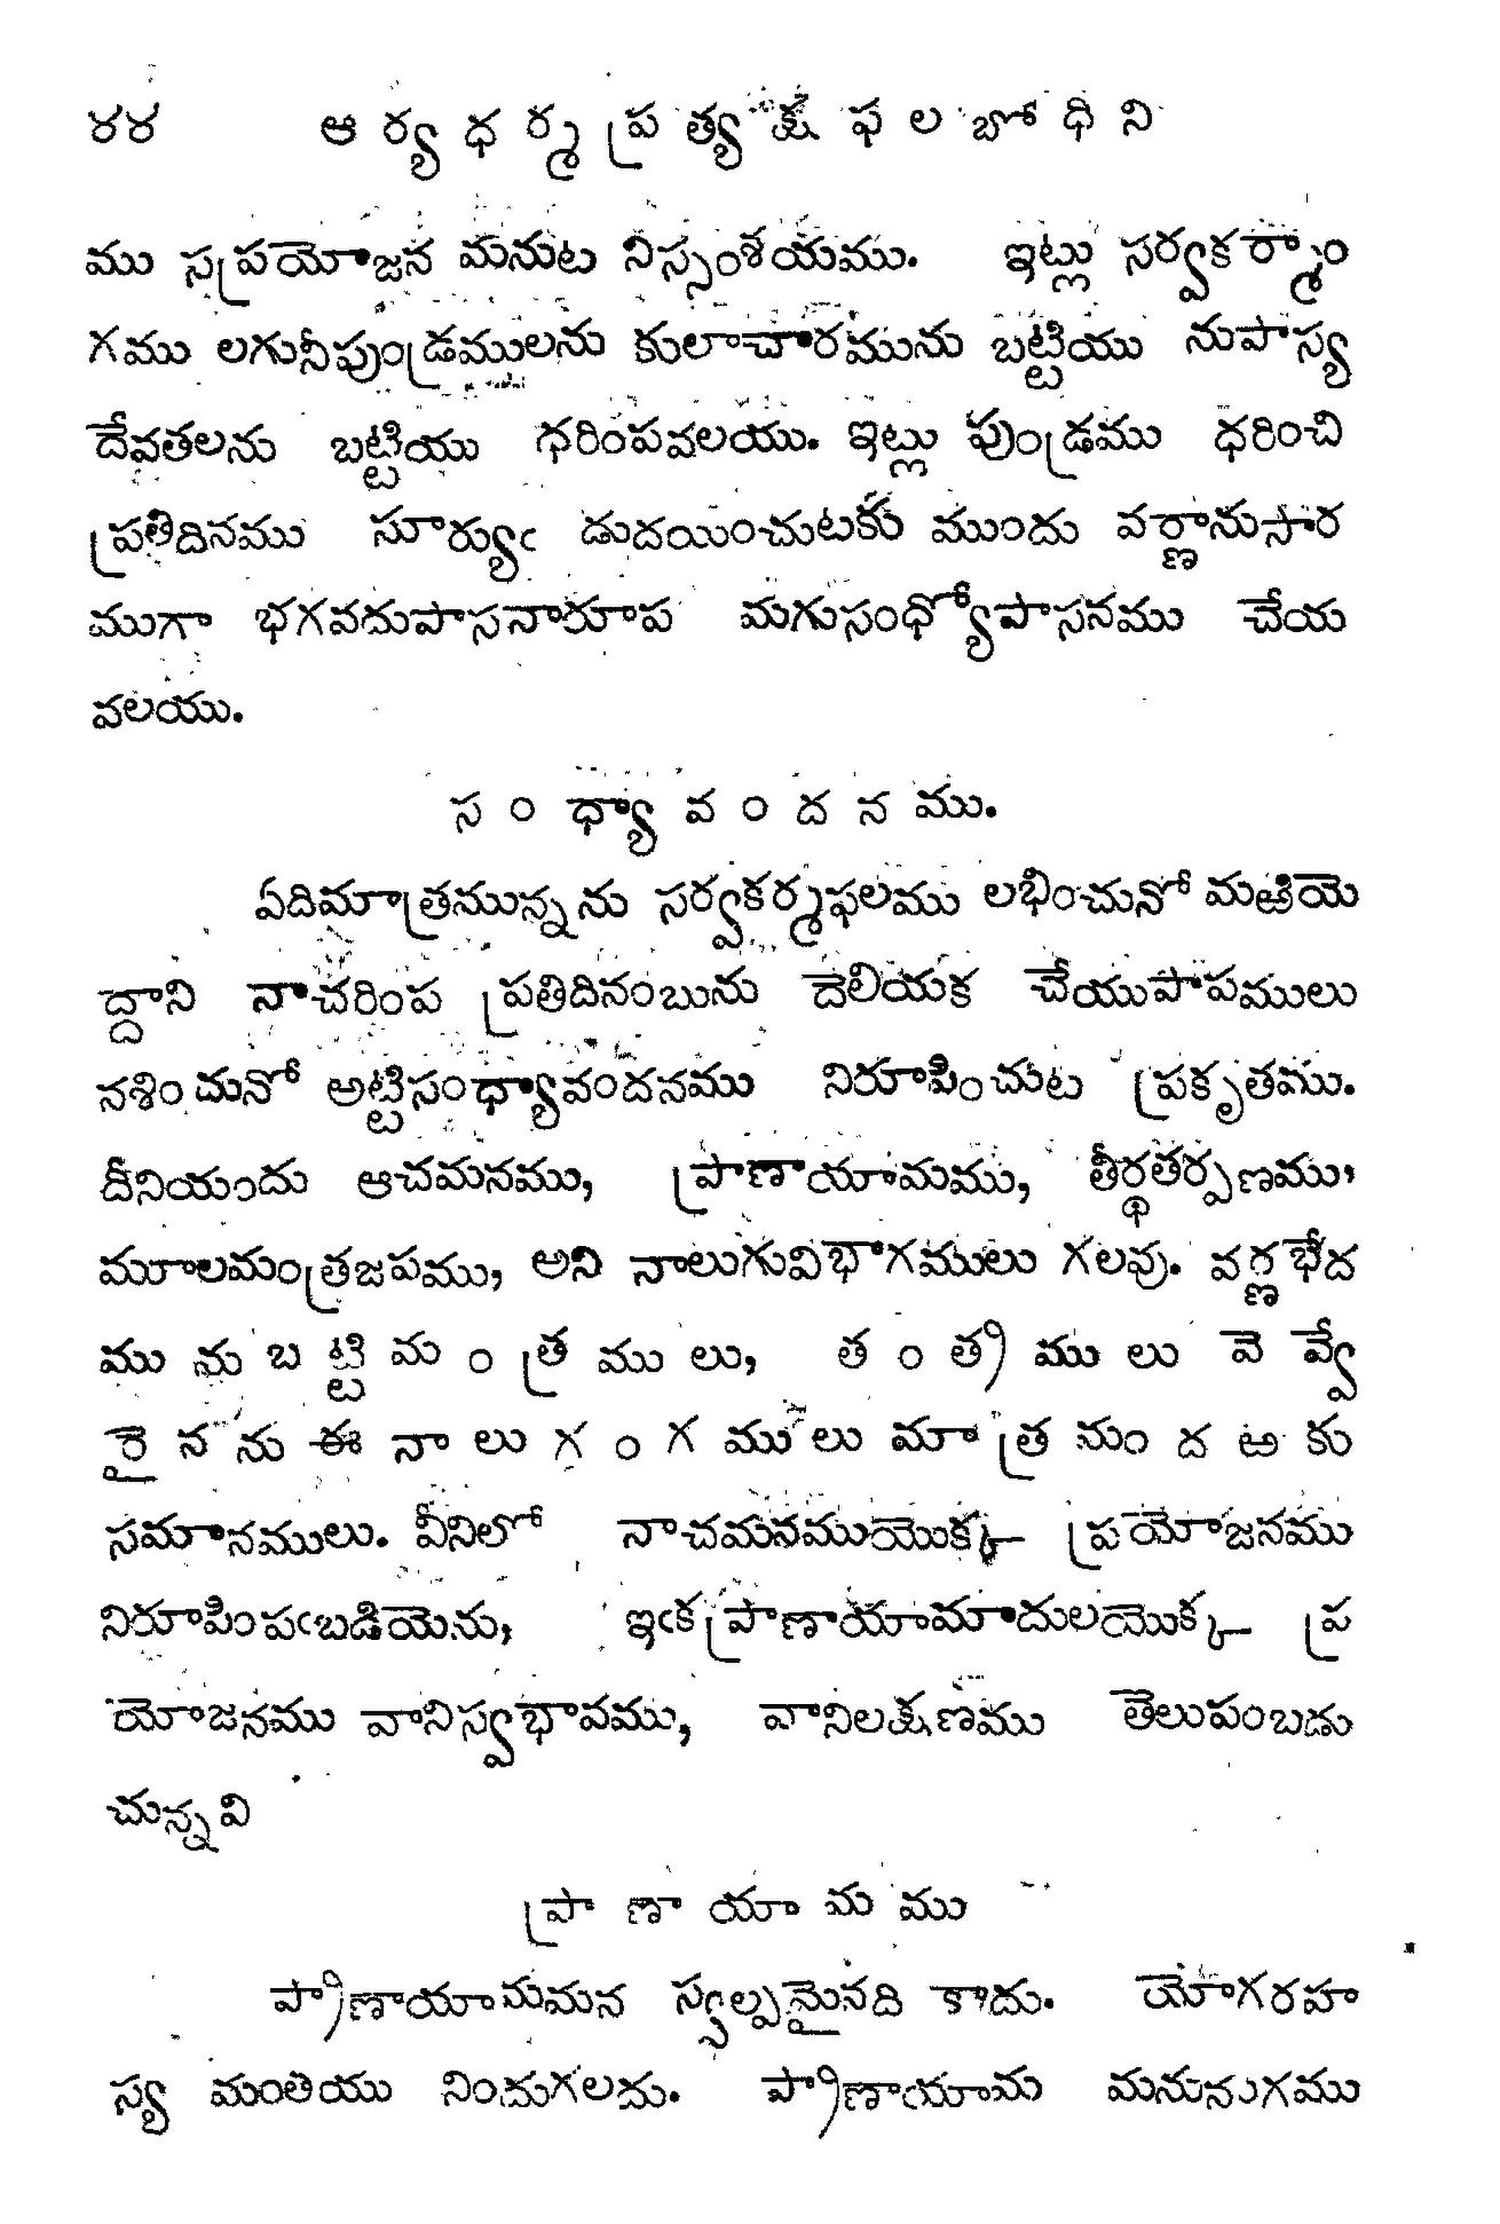ము సప్రయోజన మనుట నిస్సంశయము. ఇట్లు సర్వకర్మాంగము లగునీపుండ్రములను కులాచారమును బట్టియు నుపాస్యదేవతలను బట్టియు ధరింపవలయు. ఇట్లు పుండ్రము ధరించి ప్రతిదినము సూర్యుఁ డుదయించుటకు ముందు వర్ణానుసారముగా భగవదుపాసనారూప మగుసంధ్యోపాసనము చేయవలయు.

ఏదిమాత్రమున్నను సర్వకర్మఫలము లభించునో మఱియెద్దాని నాచరింప ప్రతిదినంబును దెలియక చేయుపాపములు నశించునో అట్టిసంధ్యావందనము నిరూపించుట ప్రకృతము. దీనియందు ఆచమనము, ప్రాణాయామము, తీర్థతర్పణము, మూలమంత్రజపము, అని నాలుగువిభాగములు గలవు. వర్ణభేదమును బట్టి మంత్రములు, తంత్రములు వెవ్వేరైనను ఈ నాలుగంగములు మాత్రమందఱకు సమానములు. వీనిలో నాచమనముయొక్క ప్రయోజనము నిరూపింపఁబడియెను, ఇఁకప్రాణాయామాదులయొక్క ప్రయోజనము వానిస్వభావము, వానిలక్షణము తెలుపంబడుచున్నవి

ప్రాణాయామమన స్వల్పమైనది కాదు. యోగరహస్య మంతయు నిందుగలదు. ప్రాణాయామ మనునంగము